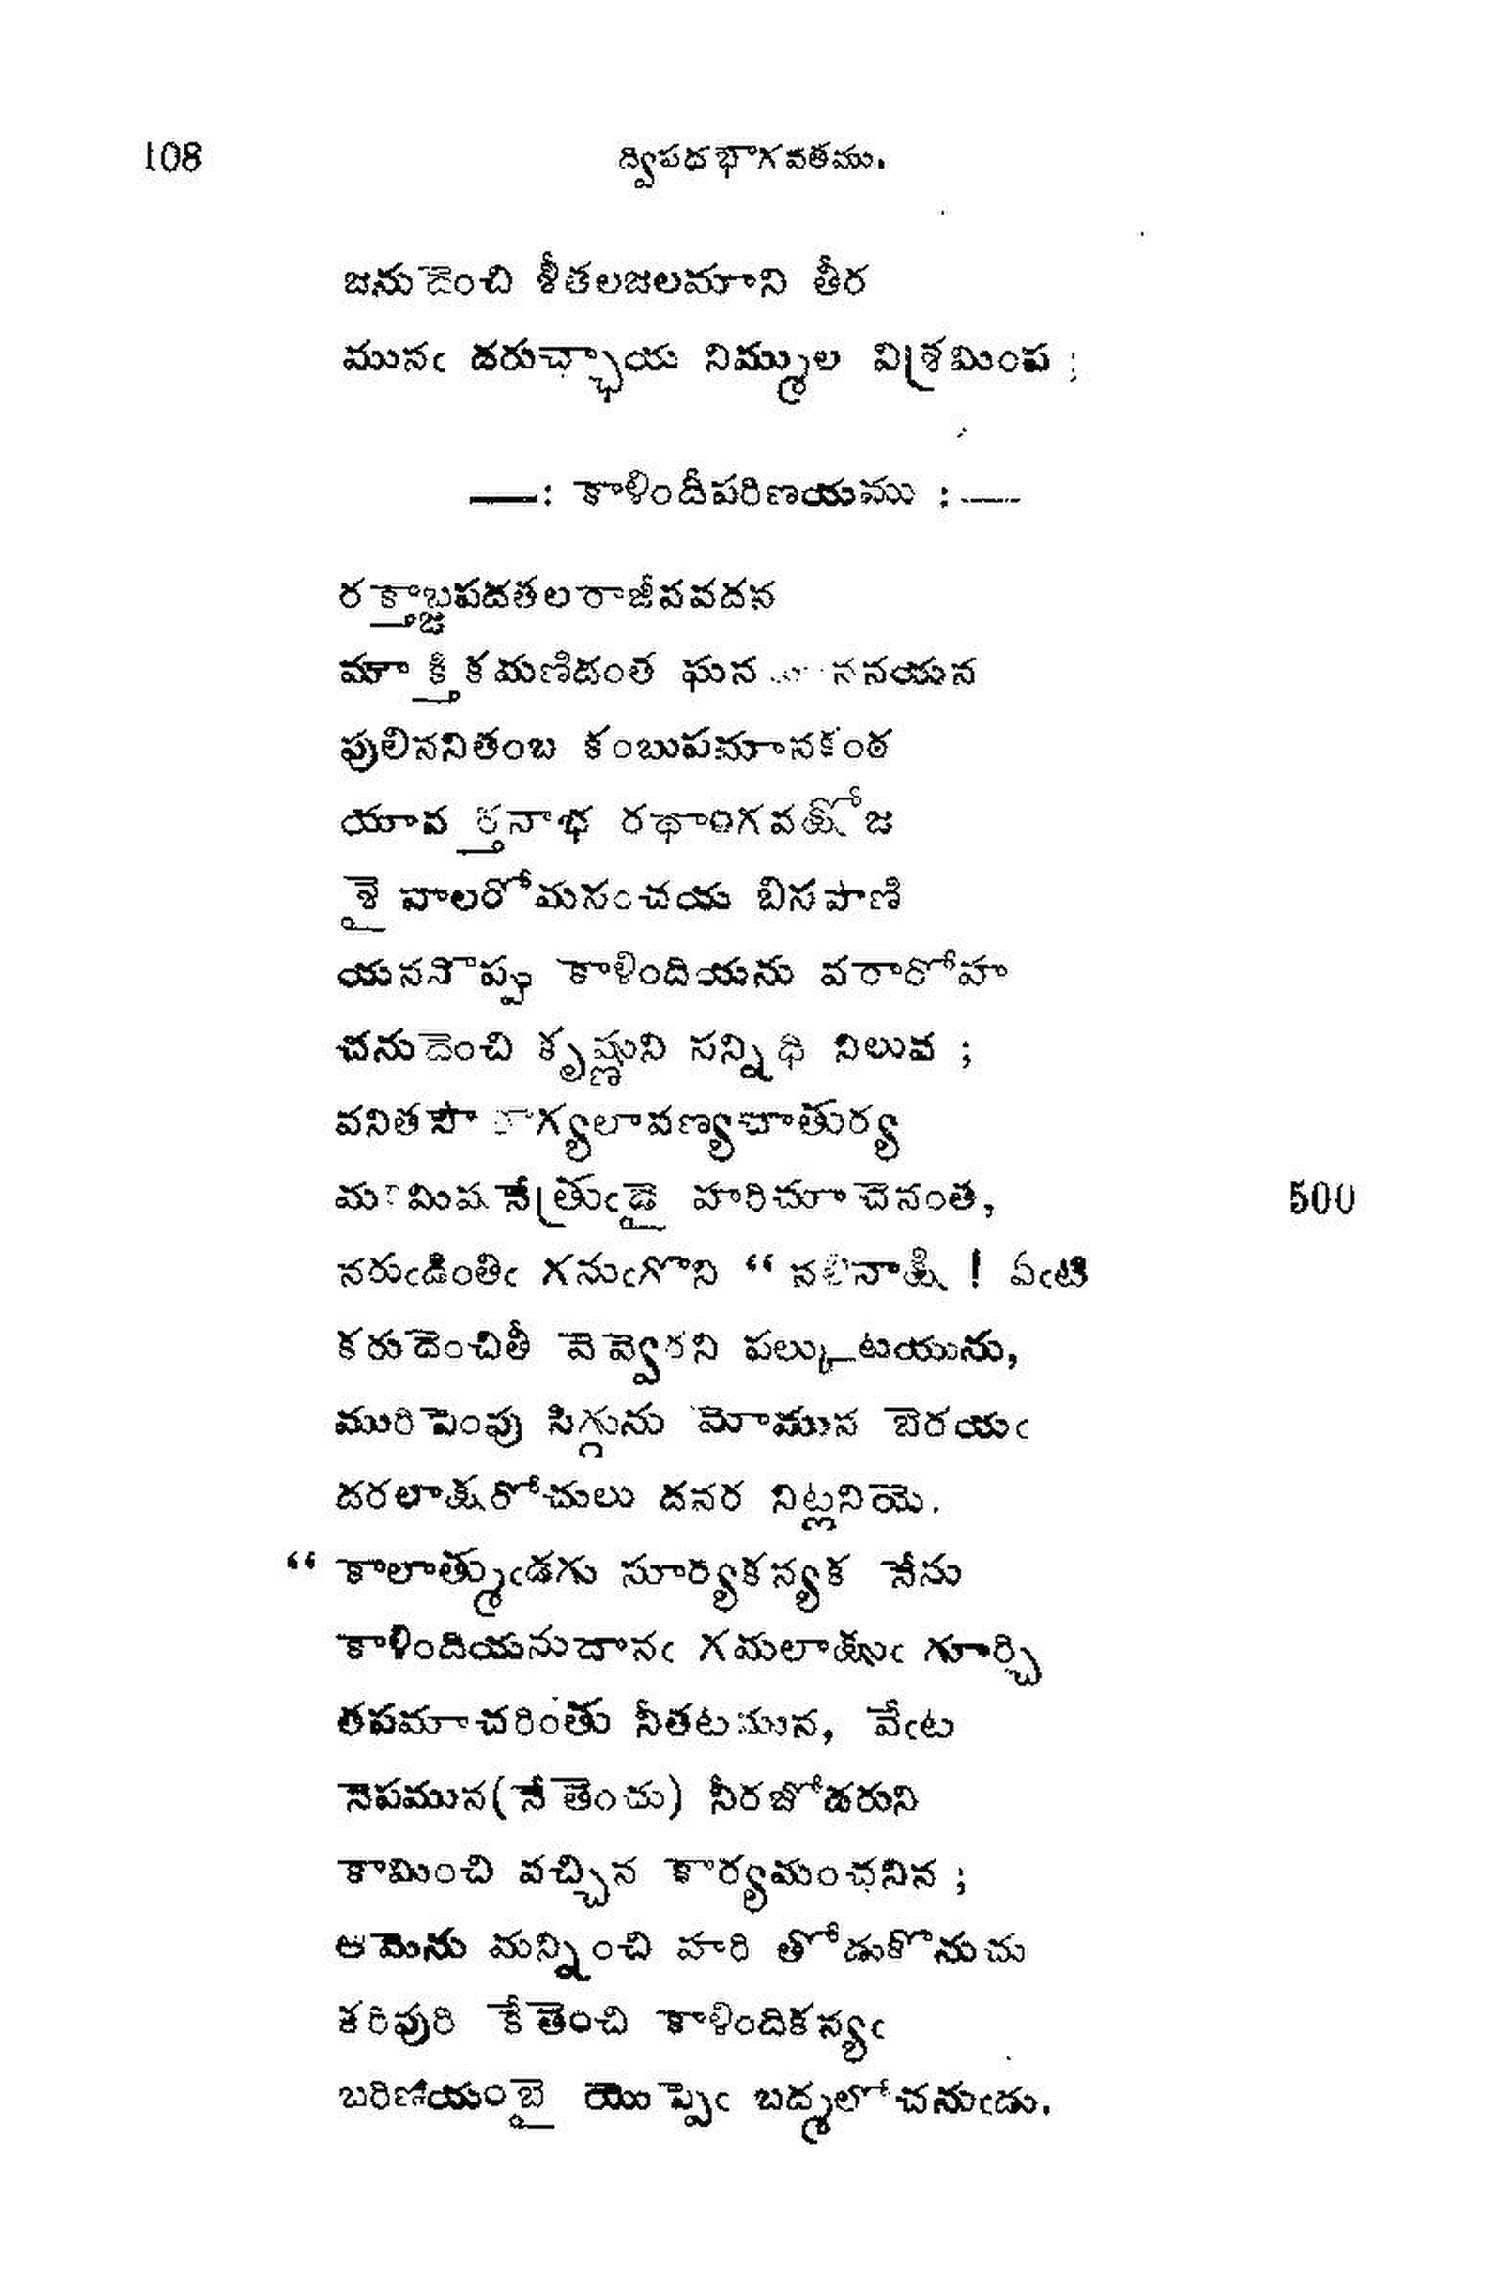జనుదెంచి శీతలజలమాని తీర
మునఁ దరుచ్ఛాయ నిమ్ముల విశ్రమింప

రక్తాబ్జపదతలరాజీవ వదన
మౌక్తిక మణిదంత ఘనమాననయన
పులిననితంబ కంబుపమానకంఠ
యావర్తనాభ రథాంగ వక్షోజ
శైవాలరోమసంచయ బిసపాణి
యననొప్పు కాళిందియను వరారోహ
చనుదెంచి కృష్ణుని సన్నిధి నిలువ; 
వనిత సౌభాగ్య లావణ్య చాతుర్య
మనిమిషనేత్రుఁడై హరి చూచెనంత,
నరుఁడింతిఁ గనుఁగొని “నలినాక్షి! ఏఁటి
కరుదెంచితీ వెవ్వె”రని పల్కుటయును, 
మురిపెంపు సిగ్గును మోమున బెరయఁ
దరలాక్షరోచులు దనర నిట్లనియె. 
“కాలాత్ముఁడగు సూర్య కన్యక నేను
కాళింది యనుదానఁగమలాక్షుఁగూర్చి
తపమాచరింతు నీ తటమున, వేఁట
నెపముననేతెంచు నీరజోదరుని
కామించి వచ్చిన కార్యమం”చనిన; 
ఆమెను మన్నించి హరి తోడుకొనుచు
కరిపురి కేతెంచి కాళింది కన్యఁ
బరిణియంబై యొప్పెఁ బద్మలోచనుఁడు.